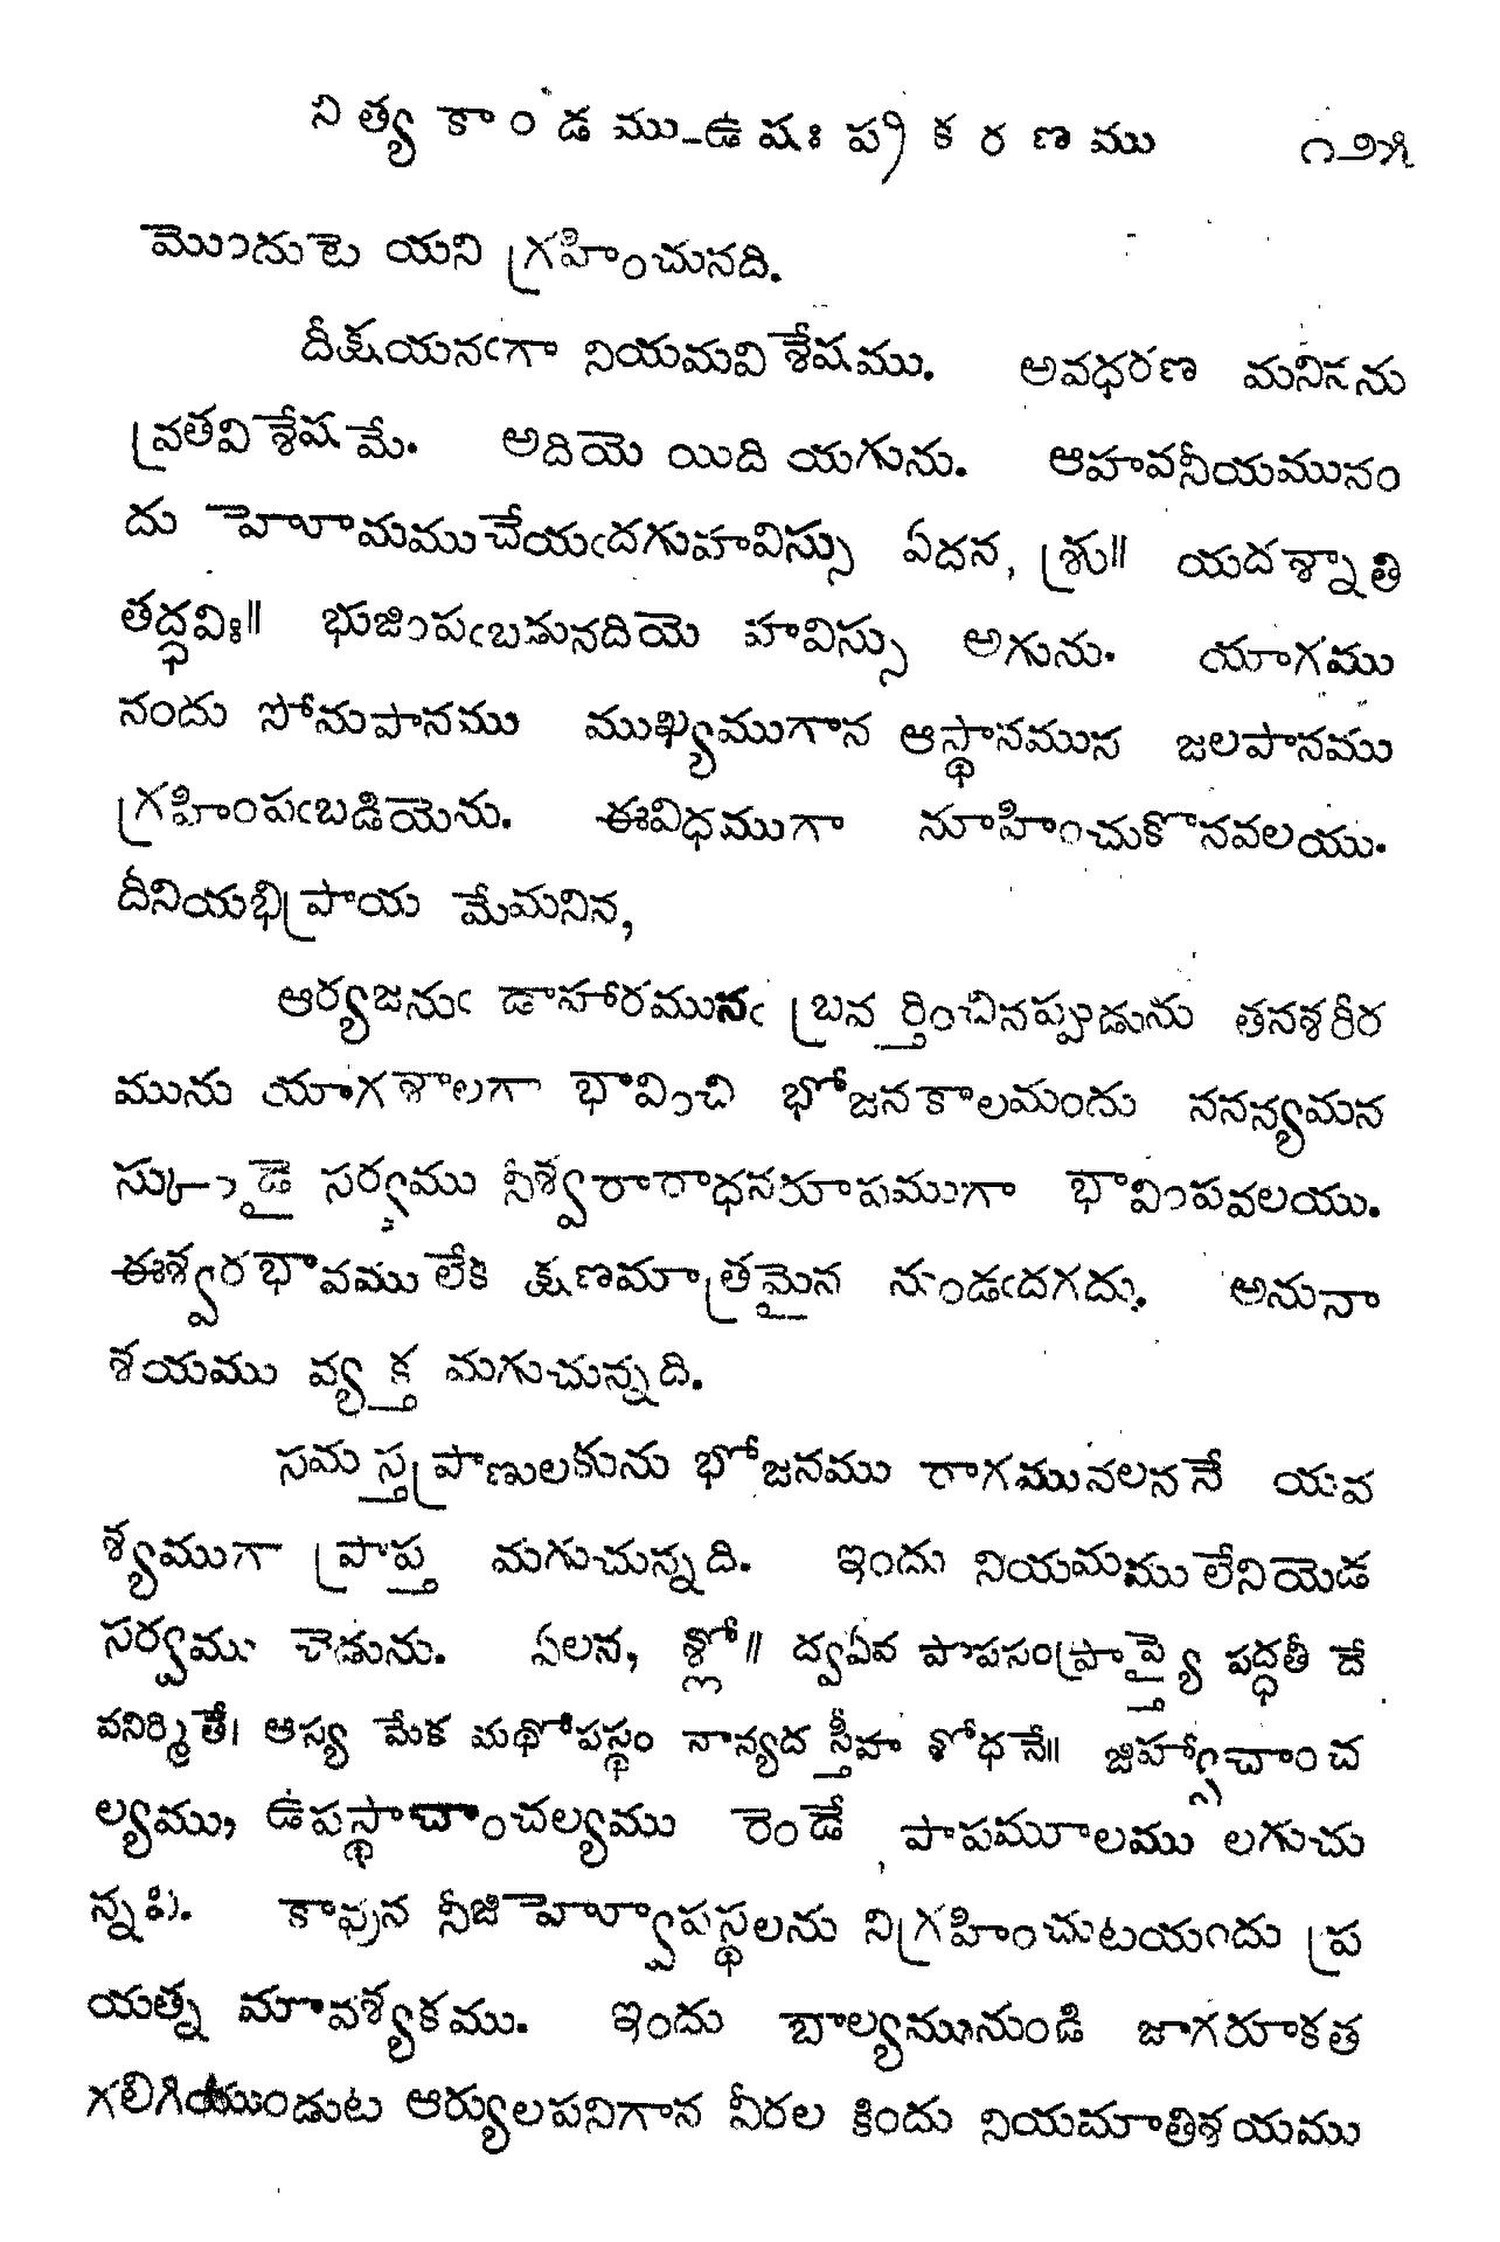మొందుటె యని గ్రహించునది.

దీక్షయనఁగా నియమవిశేషము. అవధరణ మనినను వ్రతవిశేషమే. అదియె యిది యగును. ఆహవనీయమునందు హోమముచేయఁదగుహవిస్సు ఏదన, శ్రు॥ యదశ్నాతి తద్ధవిః॥ భుజింపఁబడునదియె హవిస్సు అగును. యాగమునందు సోమపానము ముఖ్యముగాన ఆస్థానమున జలపానము
గ్రహింపఁబడియెను. ఈవిధముగా నూహించుకొనవలయు. దీనియభిప్రాయ మేమనిన,

ఆర్యజనుఁ డాహారమునఁ బ్రవర్తించినప్పుడును తనశరీరమును యాగశాలగా భావించి భోజనకాలమందు ననన్యమనస్కుండై సర్వము నీశ్వరారాధనరూపముగా భావింపవలయు. ఈశ్వరభావములేక క్షణమాత్రమైన నుండఁదగదు. అనునాశయము వ్యక్త మగుచున్నది.

సమస్తప్రాణులకును భోజనము రాగమువలననే యవశ్యముగా ప్రాప్త మగుచున్నది. ఇందు నియమములేనియెడ సర్వము చెడును. ఏలన, శ్లో॥ ద్వఏవ పాపసంప్రాప్త్యై పద్ధతీ దేవనిర్మితే। ఆస్య మేక మథోపస్థం నాన్యదస్తీహ శోధనే॥ జిహ్వాచాంచల్యము, ఉపస్థాచాంచల్యము రెండే పాపమూలము లగుచున్నవి. కావున నీజిహ్వోవస్థలను నిగ్రహించుటయందు ప్రయత్న మావశ్యకము. ఇందు బాల్యమునుండి జాగరూకత గలిగియుండుట ఆర్యులపనిగాన వీరల కిందు నియమాతిశయము